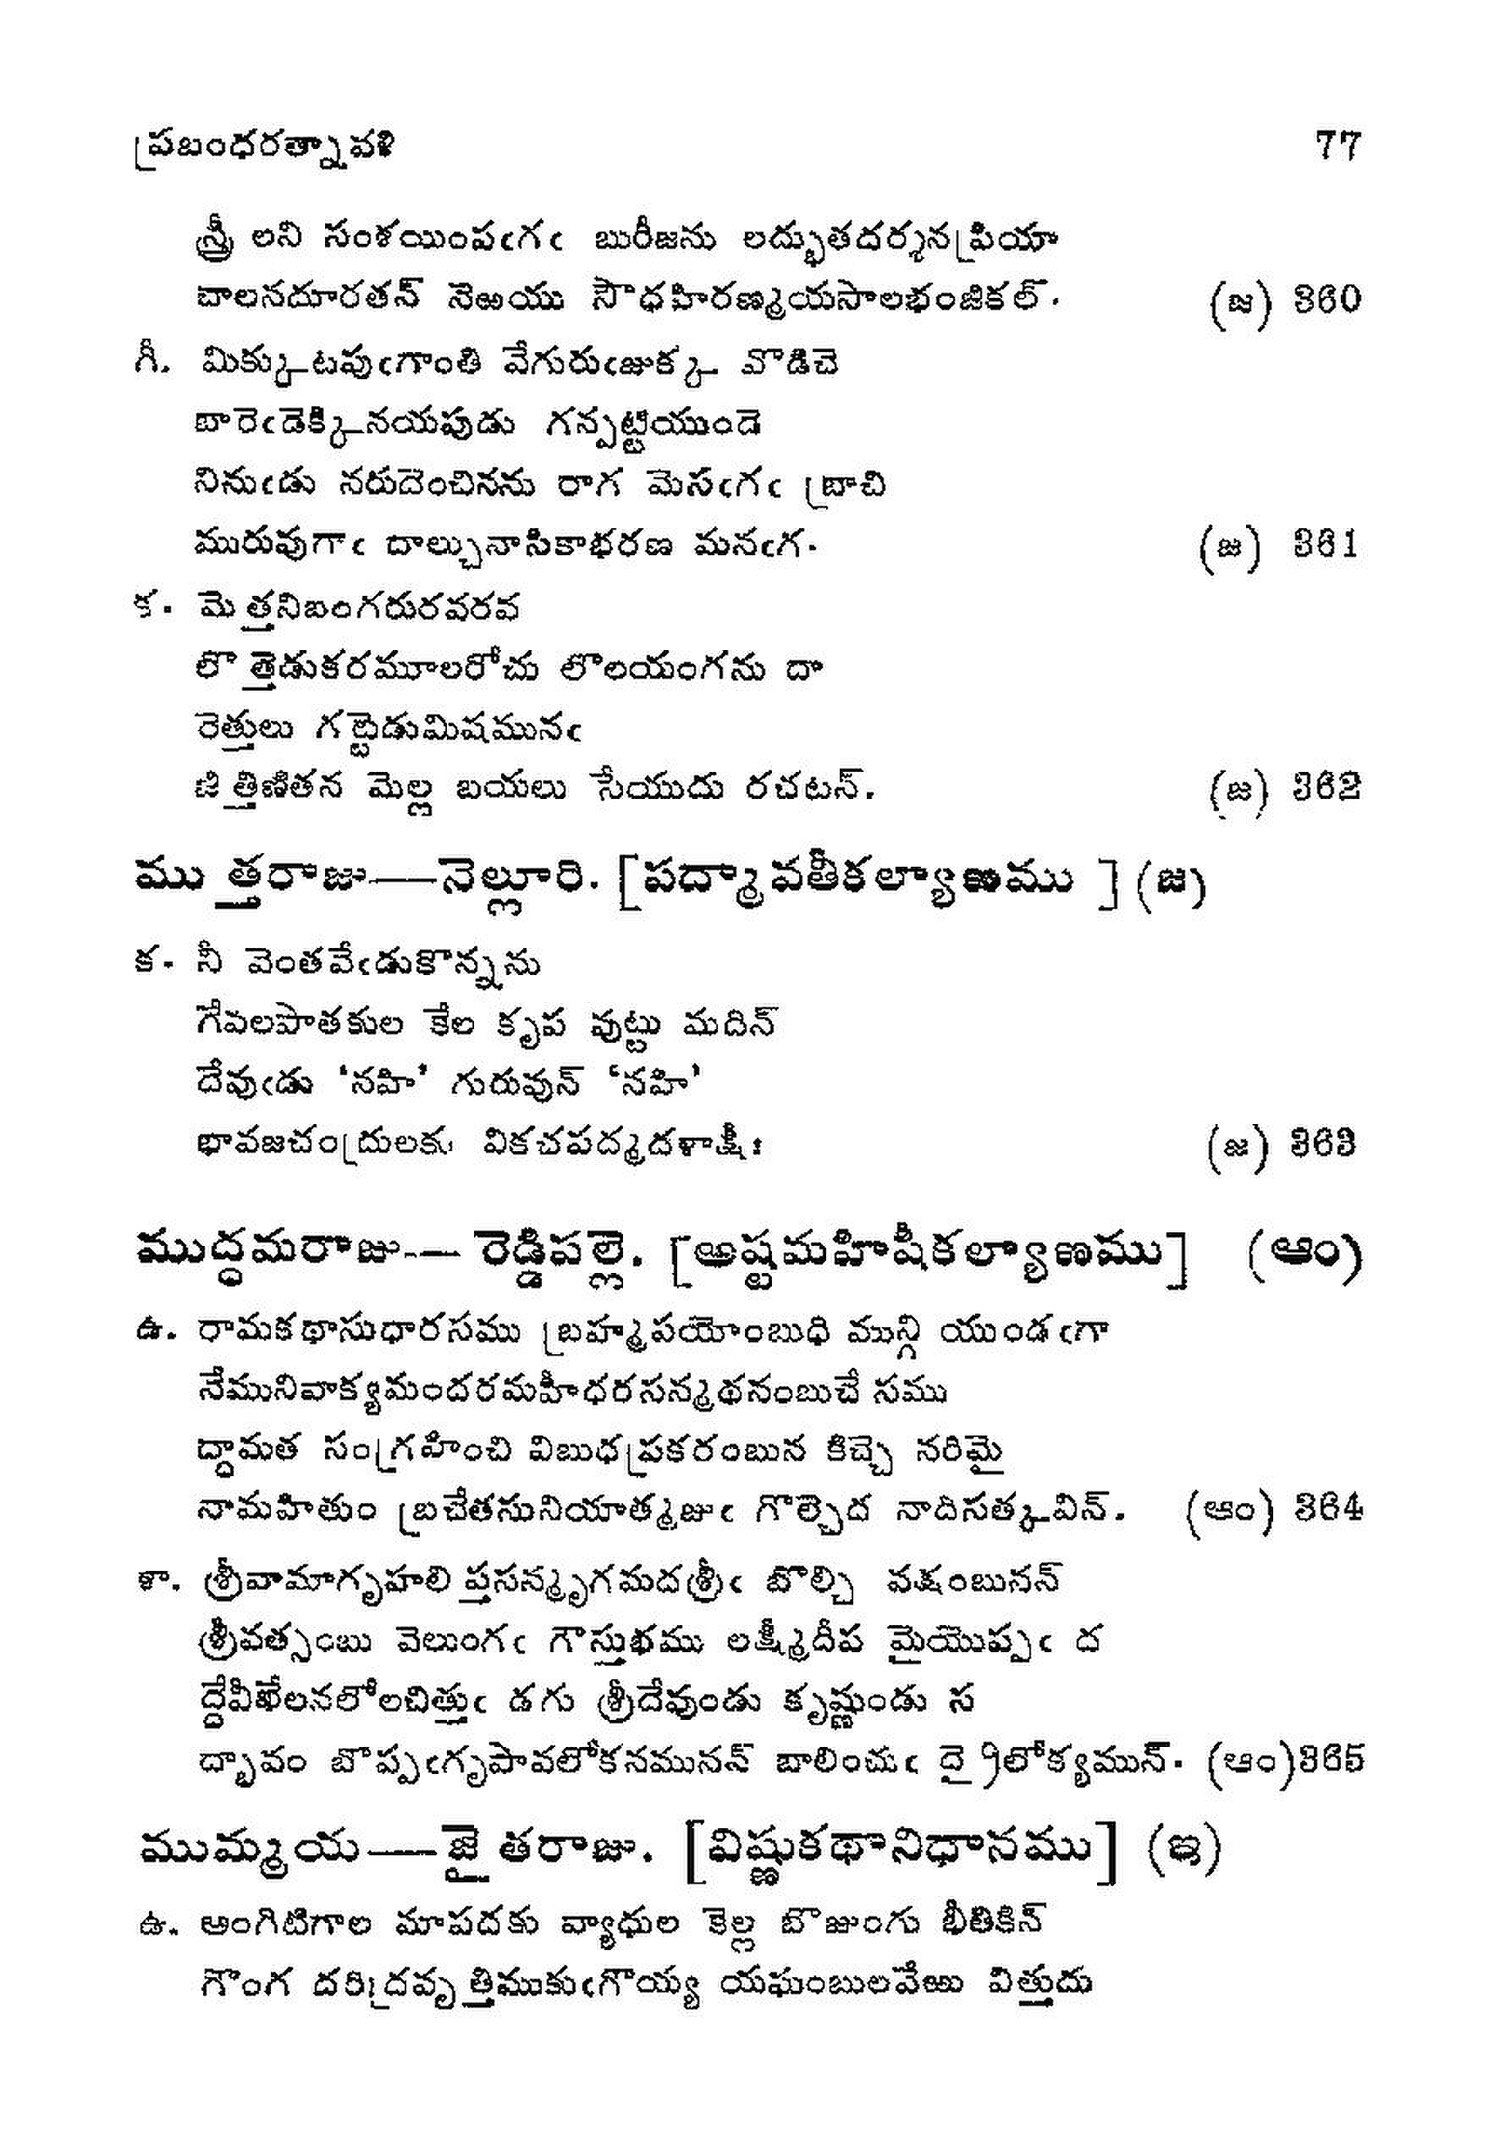స్త్రీలని సంశయింపఁగఁ బురీజను లద్భుతదర్శనప్రియా
చాలనదూరతన్ నెఱయు సౌధహిరణ్మయసాలభంజికల్. (జ) 360

గీ. మిక్కుటపుఁగాంతి వేగురుఁజుక్క వొడిచె
బారెఁడెక్కినయపుడు గన్పట్టియుండె
నినుఁడు నరుదెంచినను రాగ మెసఁగఁ బ్రాచి
మురువుగాఁ దాల్చునాసికాభరణ మనఁగ. (జ) 361

క. మెత్తనిబంగరురవరవ
లొత్తెడుకరమూలరోచు లొలయంగను దా
రెత్తులు గట్టెడుమిషమునఁ
జిత్తిణితన మెల్ల బయలు సేయుదు రచటన్. (జ) 362

ముత్తరాజు—నెల్లూరి [పద్మావతీకల్యాణము] (జ)
క. నీ వెంతవేఁడుకొన్నను
గేవలపాతకుల కేల కృప వుట్టు మదిన్
దేవుఁడు ‘నహి’ గురువున్ ‘నహి’
భావజచంద్రులకు వికచపద్మదళాక్షీ! (జ) 363

ముద్దమరాజు—రెడ్డిపల్లె.[అష్టమహిషీకల్యాణము] (ఆం)
ఉ. రామకథాసుధారసము బ్రహ్మపయోంబుధి మున్గి యుండఁగా
నేమునివాక్యమందరమహీధరసన్మథనంబుచే సము
ద్ధామత సంగ్రహించి విబుధప్రకరంబున కిచ్చె నరిమై
నామహితుం బ్రచేతసునియాత్మజుఁ గొల్చెద నాదిసత్కవిన్. (ఆం) 364

శా. శ్రీవామాగృహలిప్తసన్మృగమదశ్రీఁ బొల్చి వక్షంబునన్
శ్రీవత్సంబు వెలుంగఁ గౌస్తుభము లక్ష్మీదీప మైయొప్పఁ ద
ద్దేవీఖేలనలోలచిత్తుఁ డగు శ్రీదేవుండు కృష్ణుండు స
ద్భావం బొప్పఁగృపావలోకనమునన్ బాలించుఁ ద్రైలోక్యమున్. (ఆం) 365

ముమ్మయ—జైతరాజు. [విష్ణుకథానిధానము] (ఇ)
ఉ. అంగిటిగాల మాపదకు వ్యాధుల కెల్ల బొజుంగు భీతికిన్
గౌంగ దరిద్రవృత్తిముకుఁగొయ్య యఘంబులవేఱు విత్తుదు